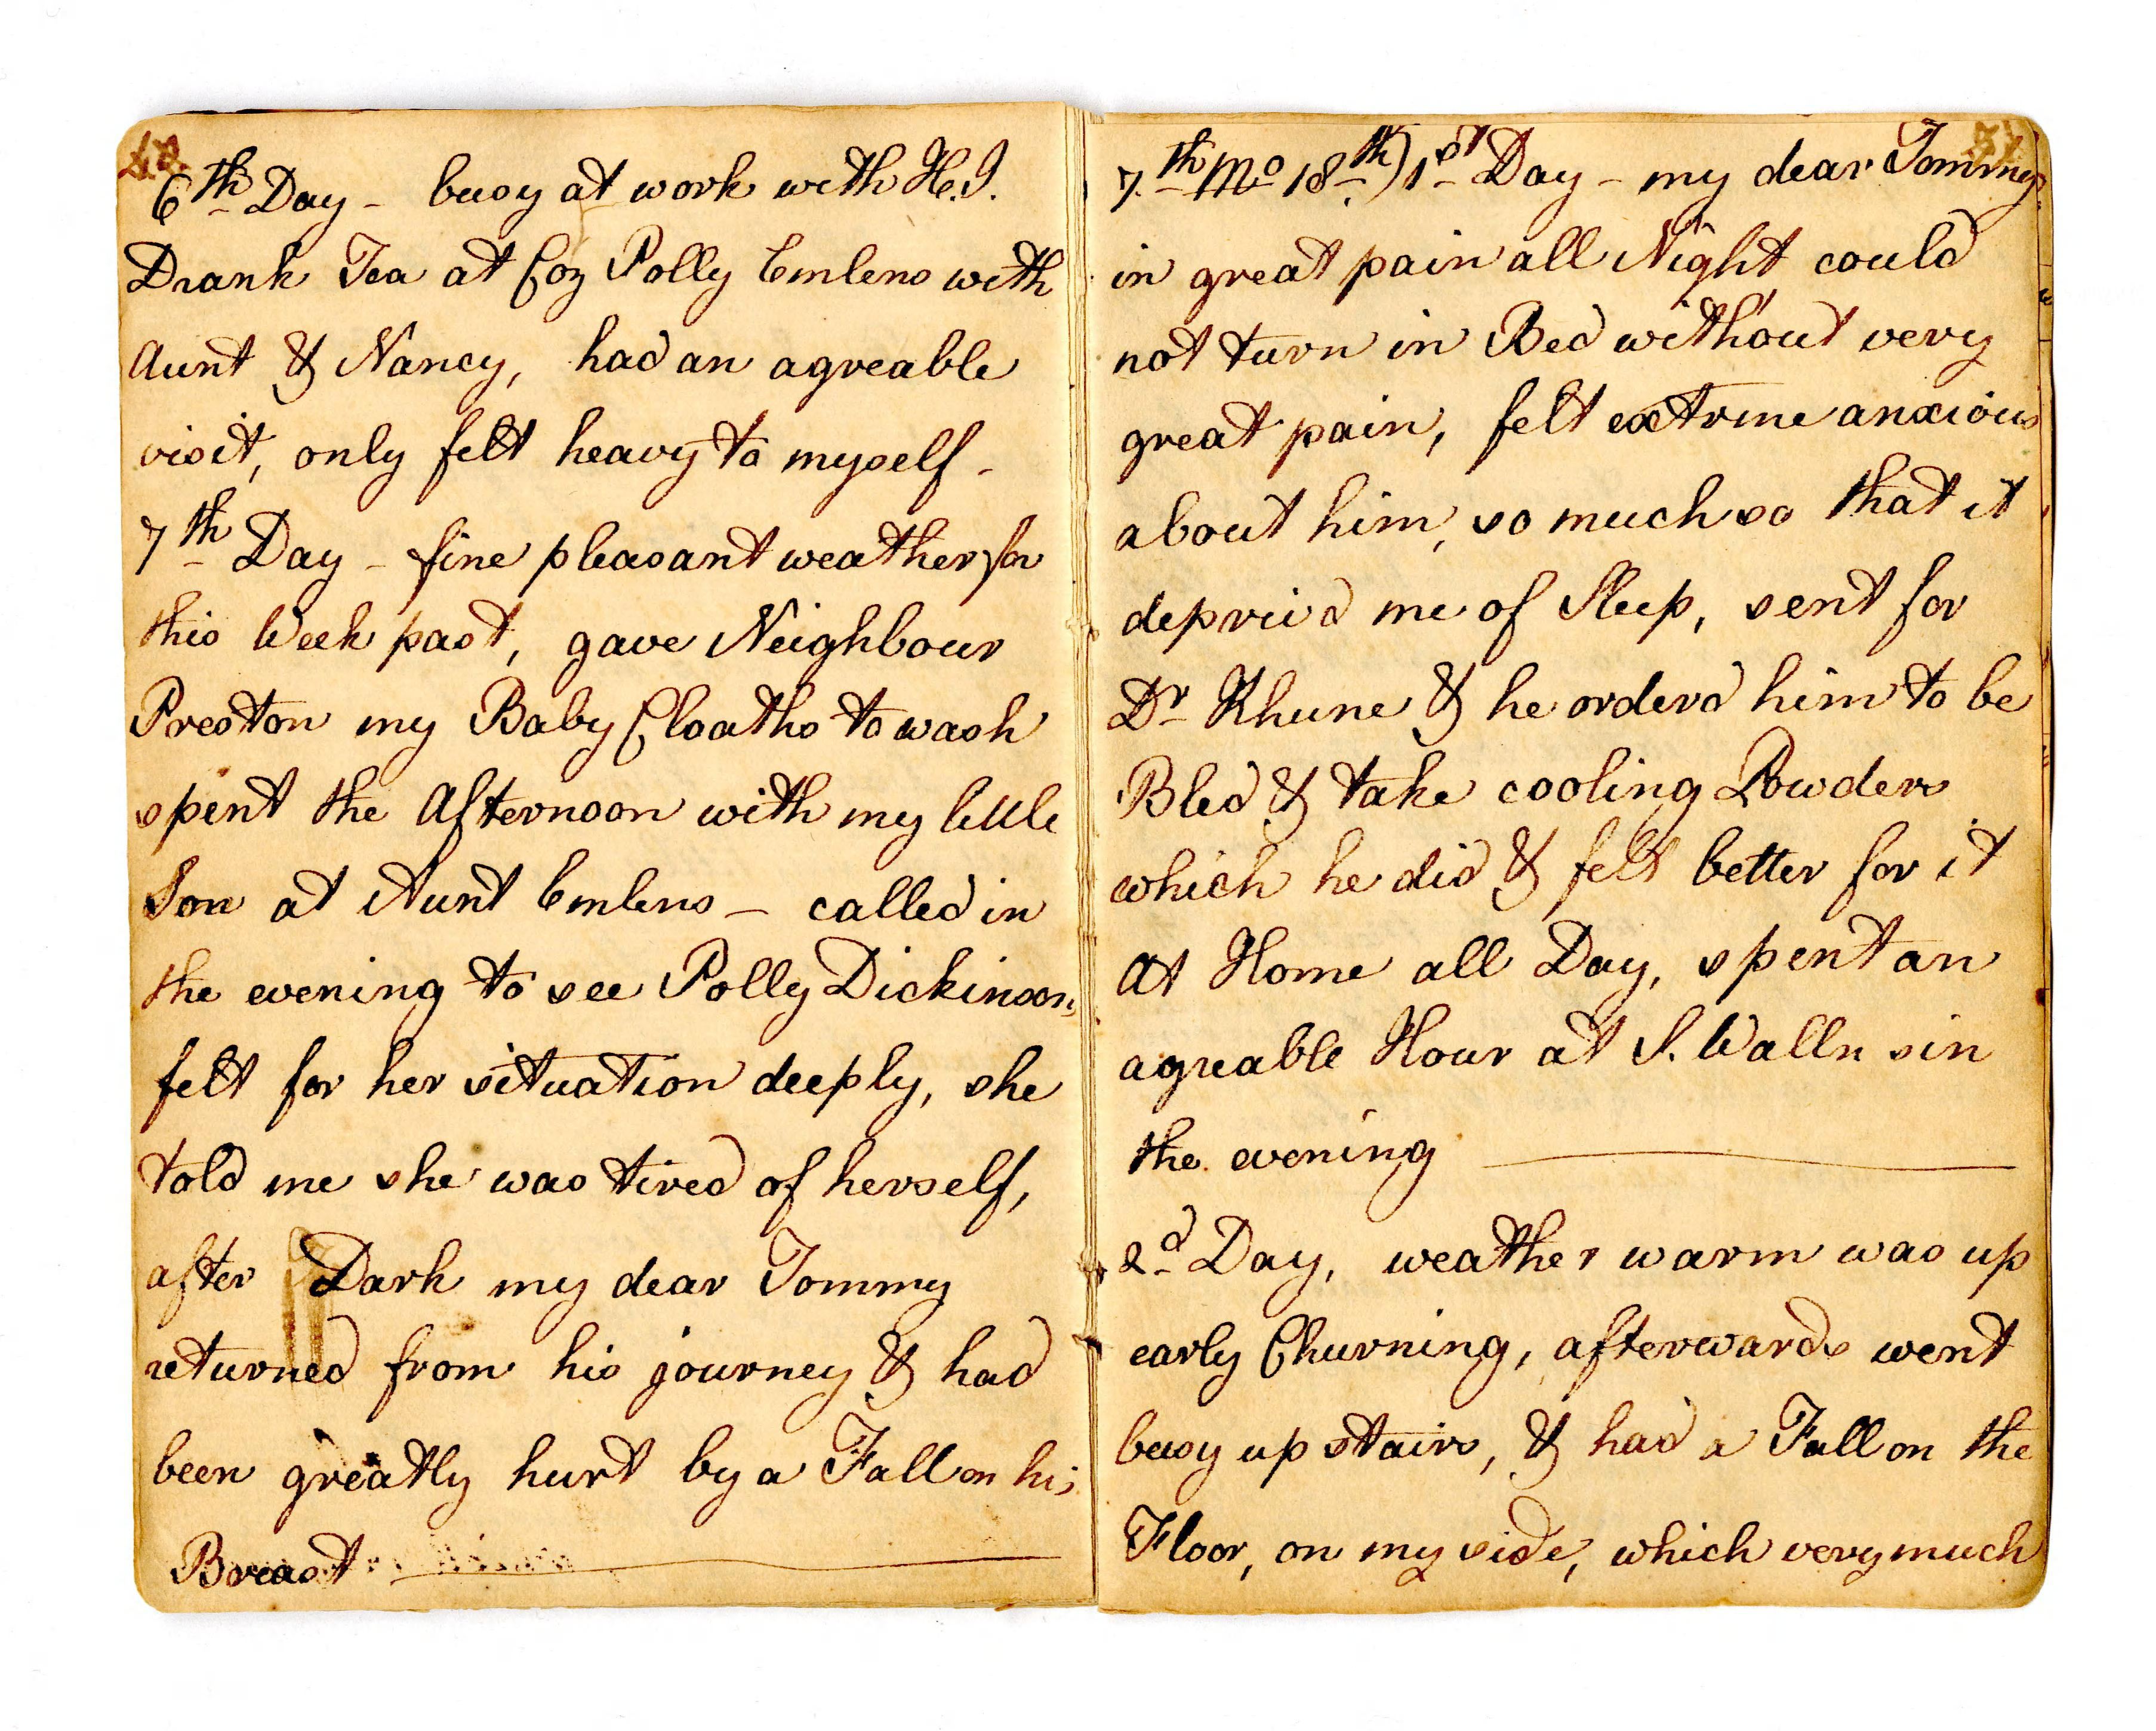40
6^th Day- busy at work with H. I.
Drank Tea at Coz Polly Emlens with
Aunt & Nancy, had an agreable
visit, only felt heavy to myself-
7^th Day- fine pleasant weather for
this Week past, gave Neighbour
Preston my Baby Cloaths to wash
spent the Afternoon with my little
Son at Aunt Emlens- called in
the evening to see Polly Dickinson
felt for her situation deeply, she
told me she was tired of herself,
after Dark my dear Tommy
returned from his journey & had
been greatly hurt by a Fall on his
Breast
41
7^th M^o 18^th) 1^st Day- my dear Tommy
in great pain all Night could
not turn in Bed without very
great pain, felt extreme anxious
about him so much so that it
deprivd me of Sleep, sent for
D^r Khune & he orderd him to be
Bled & take cooling Powders
which he did & felt better for it
At Home all Day, spent an
agreable Hour at S. Waln sin
the evening
2^d Day, weather warm was up
early Churning, afterwards went
busy up stairs, & had a Fall on the
Floor, on my side, which very much